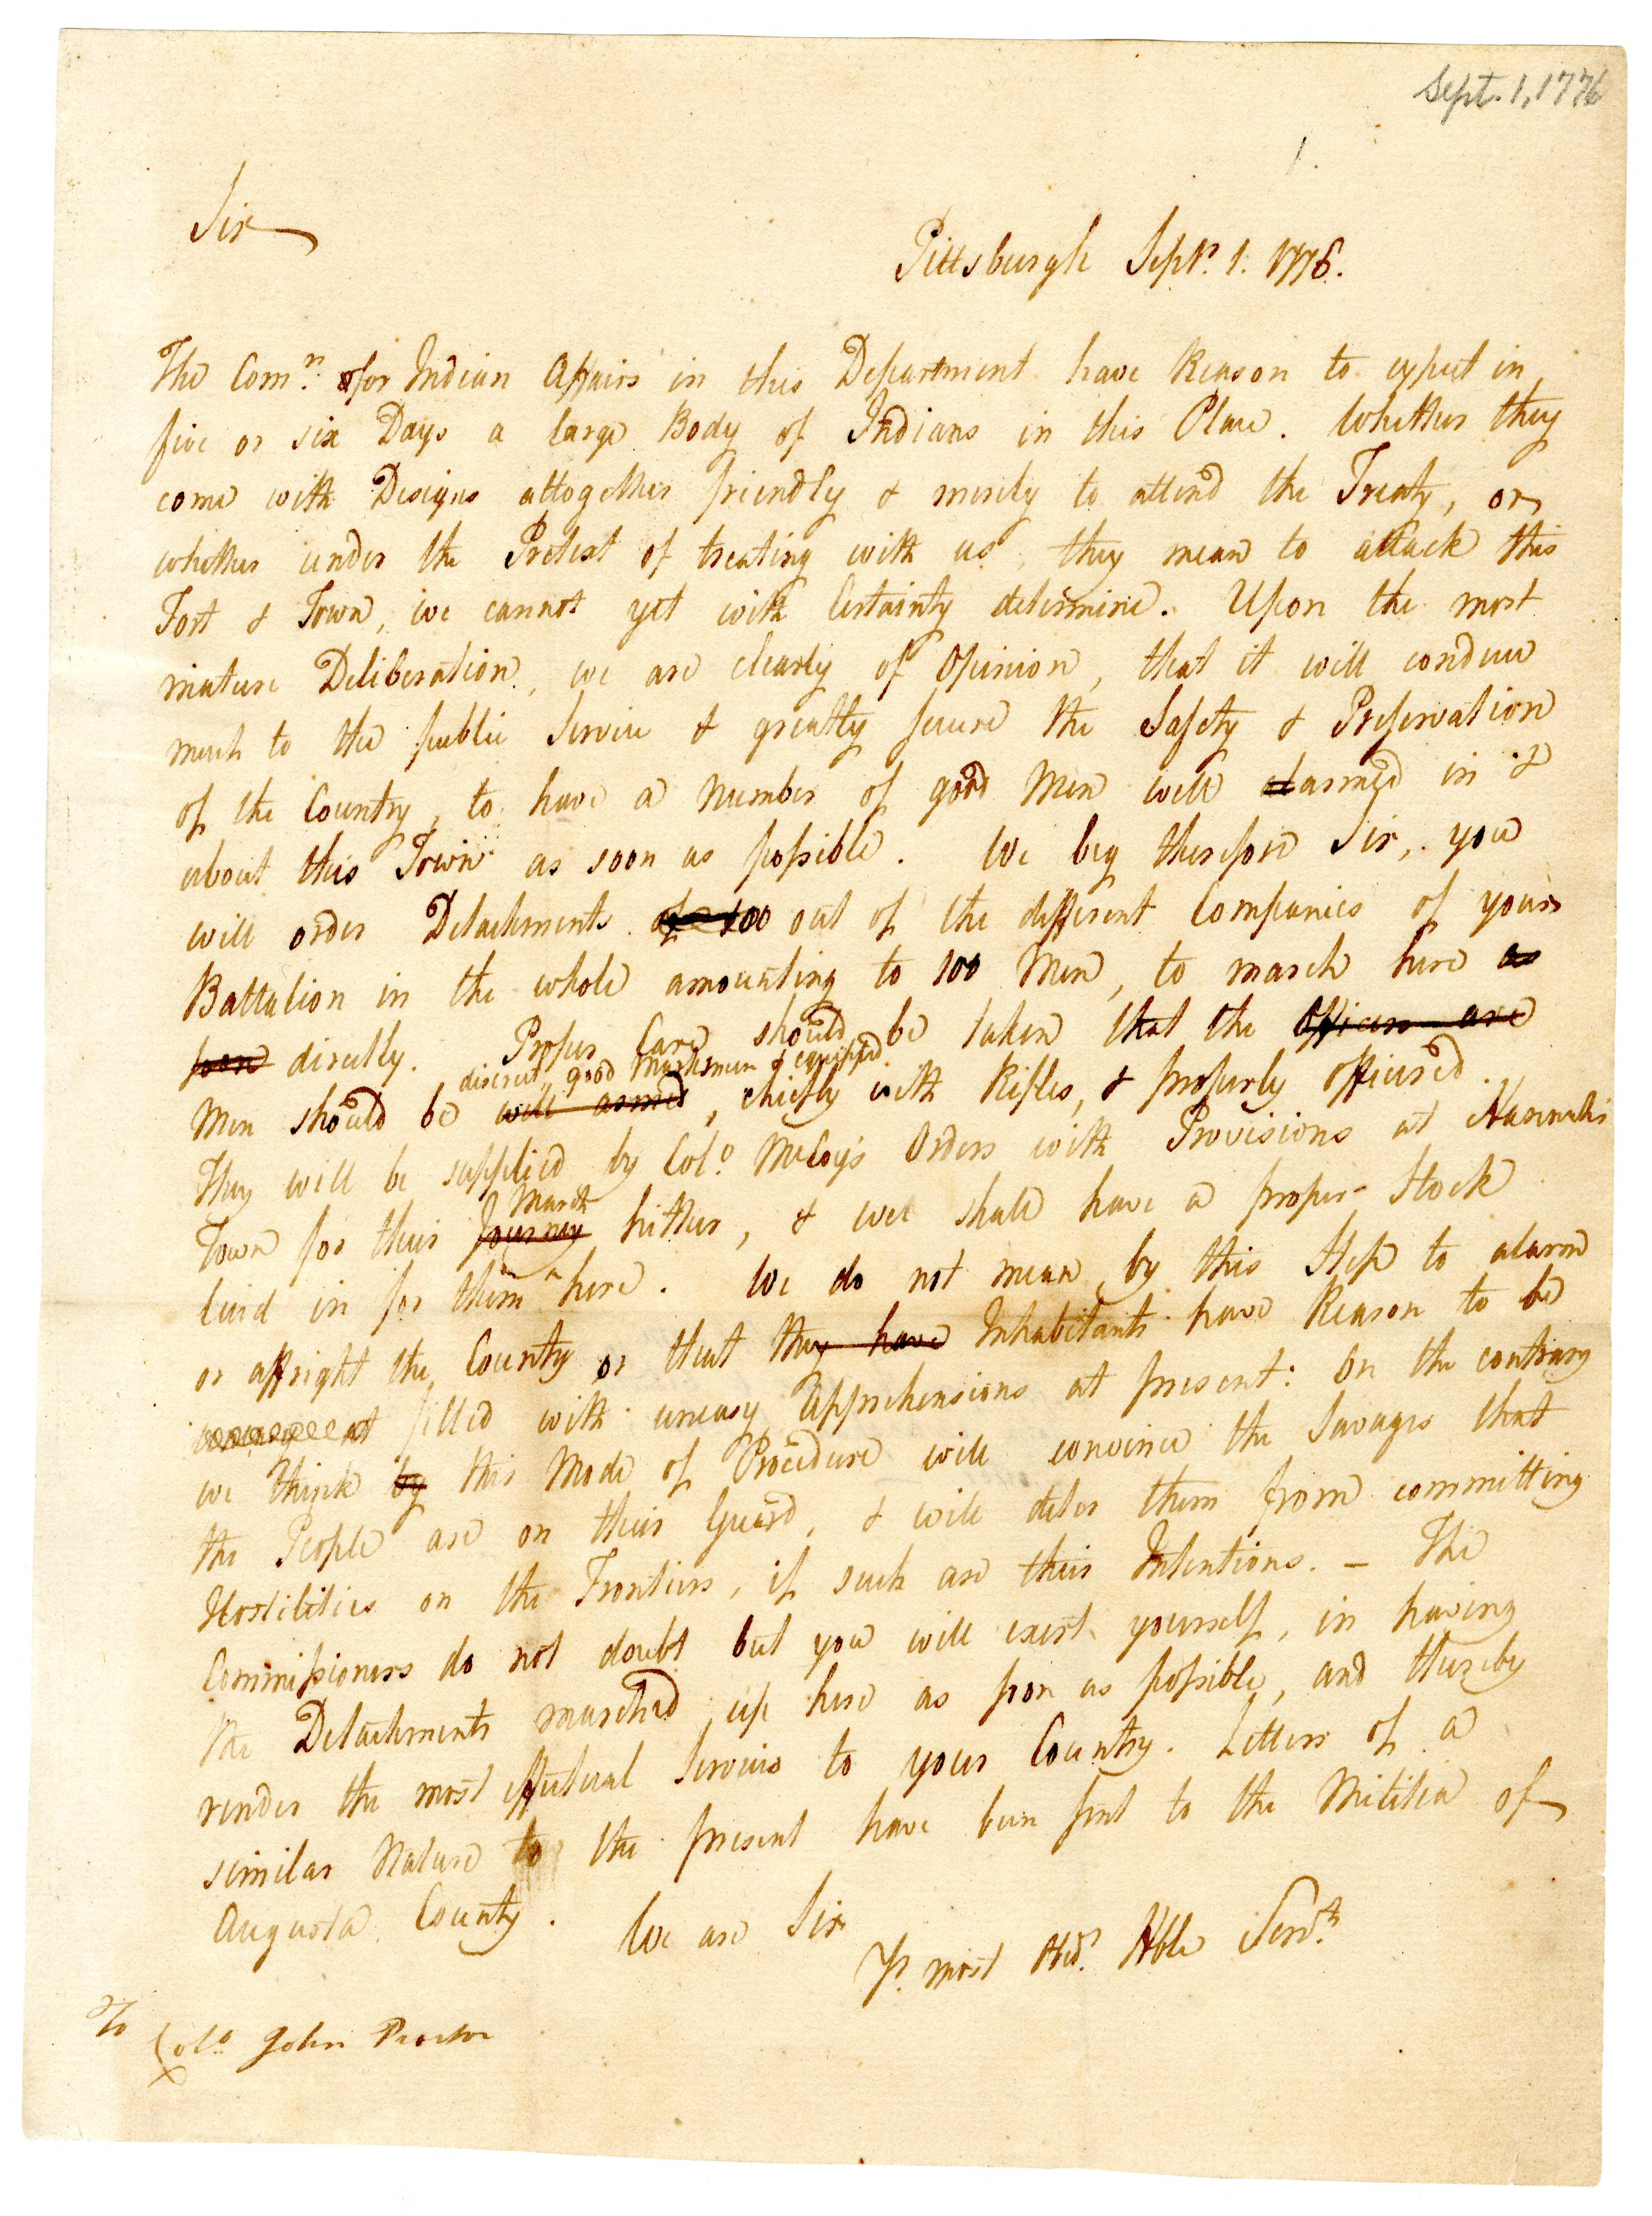Pittsburgh Sept^r. 1. 1776.
Sir
The Com^r. for Indian Affairs in this Department have Reason to expect in
five or six Days a large Body of Indians in this Place. Whether they
come with Designs altogether friendly & merily to attend the Treaty, or
whether under the Pretext of treating with us, they mean to attack this
Fort & Town, we cannot yet with Certainty determine. Upon the most
mature Deliberation we are clearly of opinion, that it will conduce
much to the public Service & greatly secure the Safety & Preservation
of the Country, to have a Number of good Men well alarmed in &
about this Town as soon as possible. We beg therefore Sir, you
will order Detachments [of 100] out of the different Companies of your
Battalion in the whole amounting to 100 Men, to march here [as]
[soon] directly. Proper Care should be taken that the [Officers are]
direct, good Marksmen
men should be [well armed], chiefly with Rifles, & properly officered.
They will be supplied by Col^o. M^cCoy's Orders with Provisions at Hannahs
March
Town for their ^ journey hither, & we shall have a proper Stock
laid in for them here. We do not mean by this Step to alarm
or affright the Country or that [they have] Inhabitants have Reason to be
[__________] filled with uneasy apprehensions at present: On the contrary
we think by this mode of Procedure will convince the Savages that
the People are on their Guard, & will deter them from committing
Hostilities on the Frontiers, if such are their Intentions.- The
Commissioners do not doubt but you will exert yourself, in having
the Detachments marched up here as soon as possible, and thereby
render the most effectual Services to your Country. Letters of a
similar Nature to the present have been sent to the Militia of
Augusta County.
We are Sir
Y^r most Obed^t Hble Serv^t.
To
Col^o John Proctor